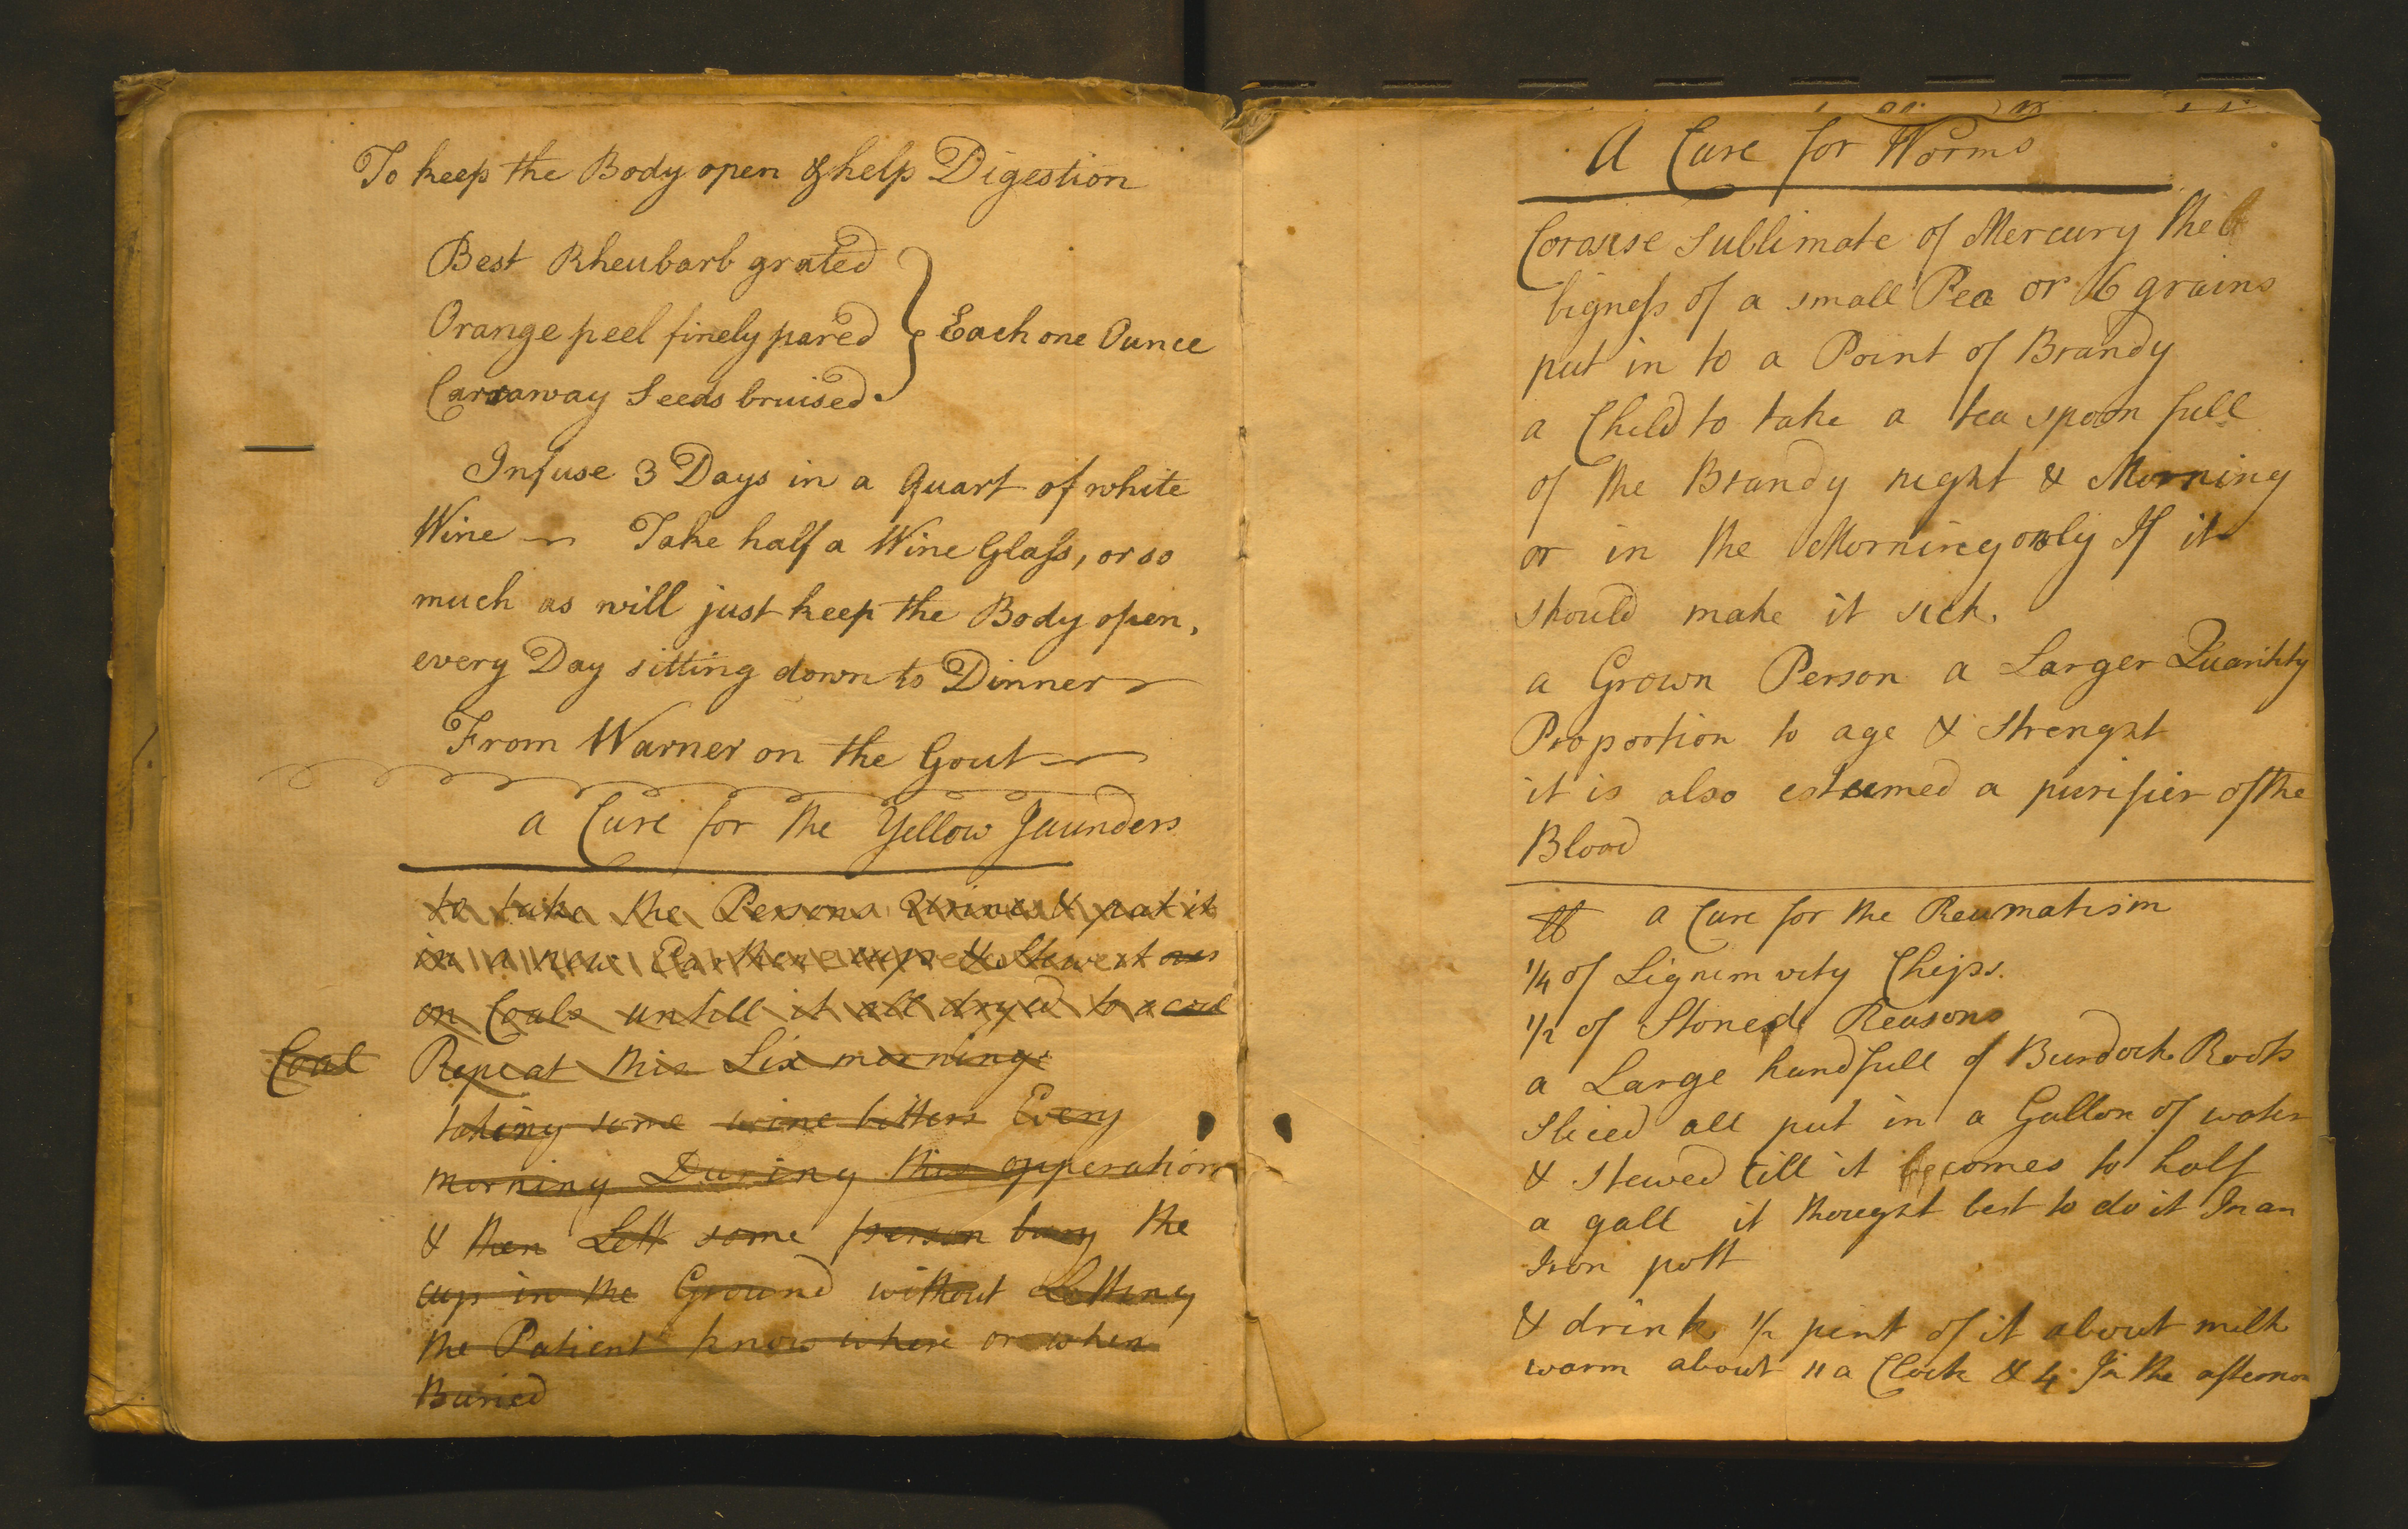To keep the Body open & help Digestion
Best Rheubarb grated
Orange peel finely pared
Carraway seeds bruised
Each one Ounce
Infuse 3 Days in a quart of white
Wine- Take half a Wine Glass, or so
much as will just keep the Body open,
every Day sitting down to Dinner
From Warner on the Gout-
a Cure for the Yellow Jaunders
to take the Persons Urine & put it
in a new Earthen cup & stew it [over]
on Coals untill it all dryed to a [____]
Coal Repeat this six mornings
taking some urine bitters Every
morning
During the opperation
& then Lett some person bury the
cup in the Ground without Letting
the Patient know where or when
Buried
A Cure for Worms
Corosive sublimate of Mercury the
bigness of a small Pea or 6 grains
put in to a Point of Brandy
a Child to take a tea spoon full
of the Brandy night & Morning
or in the Morning only If it
should make it sick.
a Grown Person a Larger Quantity
Proportion to age & strenght
it is also esteemed a purifier of the
Blood
lb
a Cure for the Reumatism
1/4 of Lignim vity Chips
1/2 of Stoned Reasons
a Large handfull of Burdock Roots
sliced all put in a Gallon of water
& stewed till it becomes to half
a gall it thought best to do it In an
Iron pott
& drink 1/2 pent of it about milk
warm about 11 a Clock & 4 In the afternoon